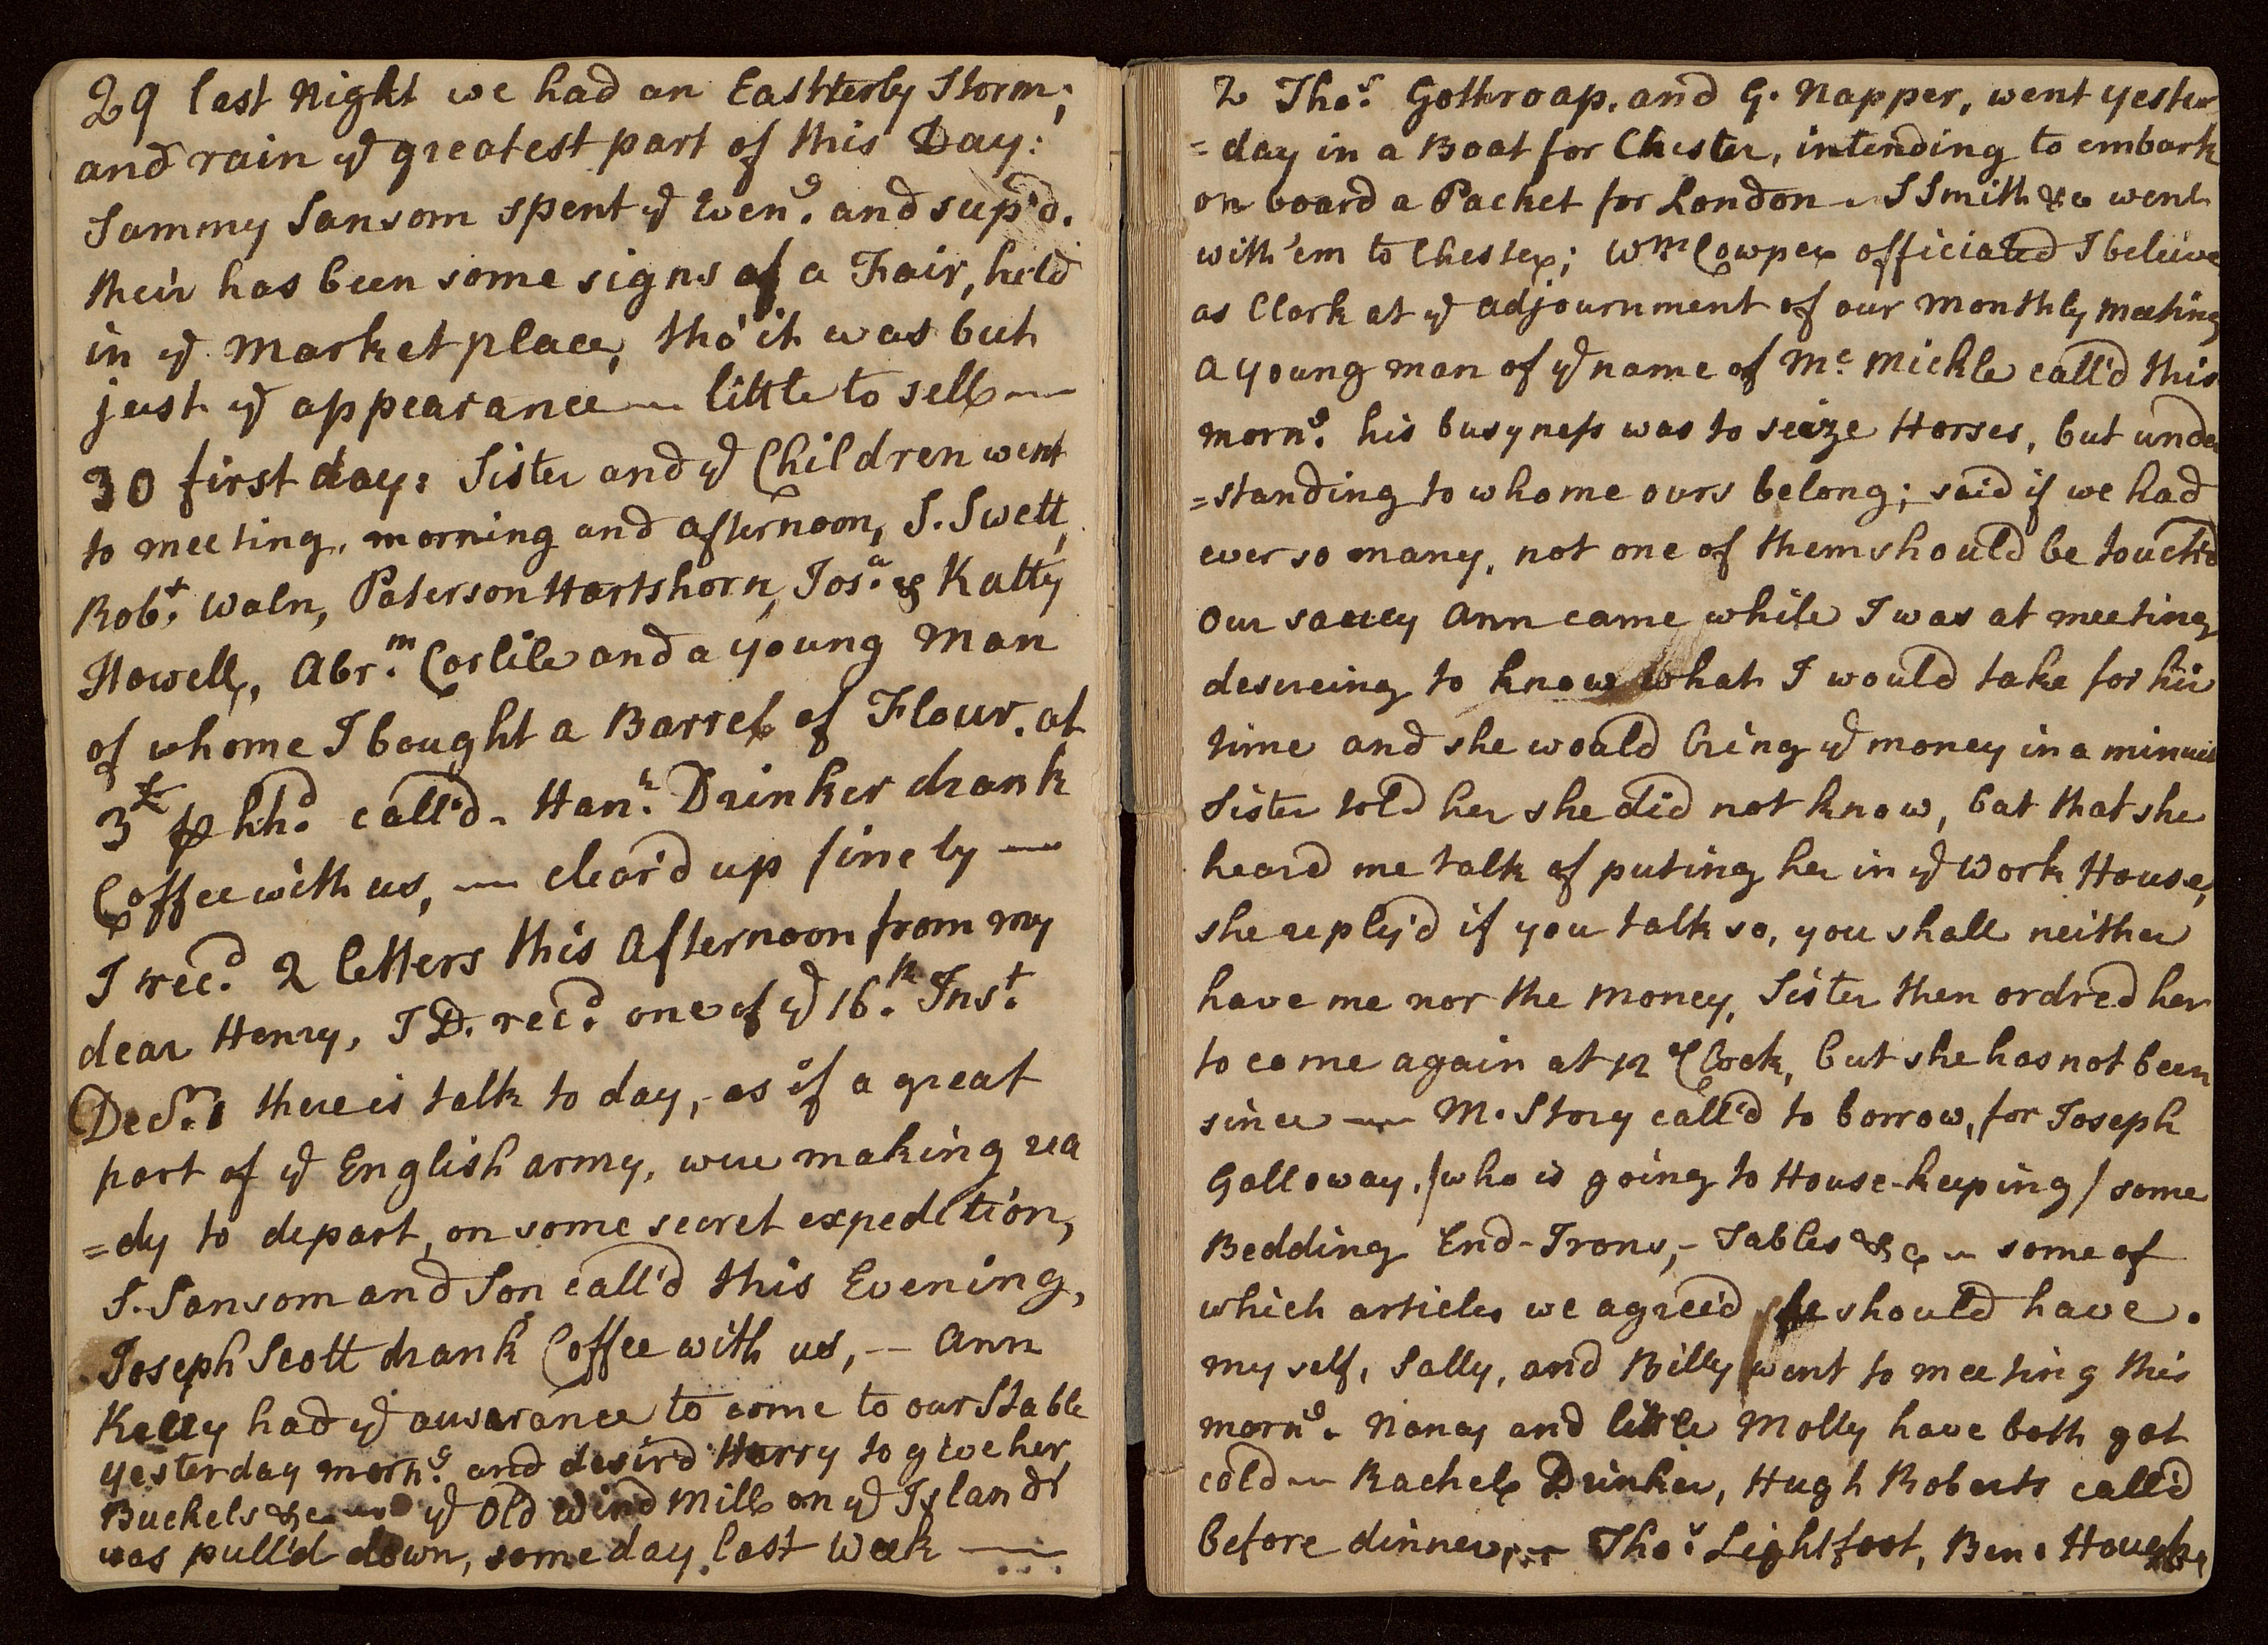29 last night we had an Eastterly storm;
and rain y^e greatest part of this Day:
Sammy Sansom spent y^e Even^g. and sup'd.
their has been some signs of a Fair, held
in y^e market place, tho' it was but
just y^e appearance - little to sell -
30 first day: Sister and y^e Children went
to meeting, morning and afternoon, S Swett,
Rob^t. Waln, Paterson Hartshorn, Jos^a. & Katty
Howell, Abr^m. Carlile and a young Man
of whome I bought a Barrel of Flour of
3^£ per hh^d. call'd. Han^h. Drinker drank
Coffee with us,- cleard up finely-
I rec^d. 2 letters this Afternoon from my
dear Henry, ID. rec^d one of y^e 16^th. Ins^t.
Dec^r. there is talk to day, as if a great
part of y^e English army, were making rea
-dy to depart, on some secret expedition,
S. Sansom and Son call'd this Evening,
Joseph Scott drank Coffee with us,-- Ann
Kelly had y^e ausarance to come to our Stable
yesterday morn^g. and desir'd Harry to give her,
Buckels &c - y^e Old Wind Mill on y^e Islands
was pull'd down, someday last week-
2 Tho^s. Gothroap, and G. Napper, went yester
-day in a Boat for Chester, intending to embark
on board a Packet for London - S Smith &c went
with 'em to Chester; W^m Cowper officiated I beleive
as Clark at y^e adjournment of our monthly meeting
a young man of y^e name of M^l. Mickle call'd this
morn^g., his busyness was to seize Horses, but und[er]
-standing to whome ours belong; said if we had
ever so many, not one of them should be touch'd
our saucy Ann came while I was at meeting
deserving to know what I would take for him
time and she would bring y^e money in a minuit
Sister told her she did not know, but that she
heard me talk of puting her in y^e Work House,
she reply'd if you talk so, you shall neither
have me nor the money, Sister then ordred her
to come again at 12 ^oClock, but she has not been
since- M. Story call'd to borrow, for Joseph
Galloway, /who is going to House-keeping/ some
Bedding End- Irons,-Tables &c- some of
which articles we agree'd she should have.
my self, Sally, and Billy went to meeting this
morn^g. Nancy and little Molly have both got
cold- Rachel Drinker, Hugh Roberts call'd
before dinner;- Tho^s. Lightfoot, Bens Houek